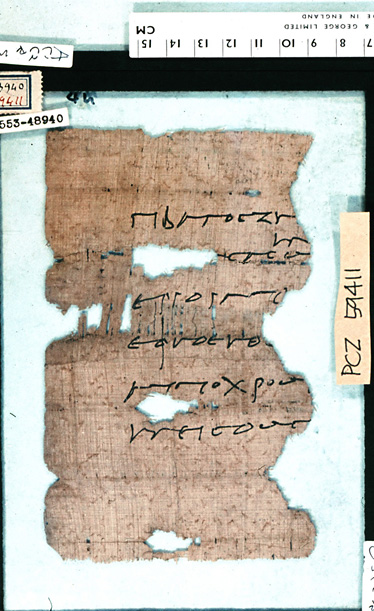γιβαλοϲζη
̣σασω
εριδιατ
εφηδεηθε
αυτοχροωι
ημειϲδωϲ